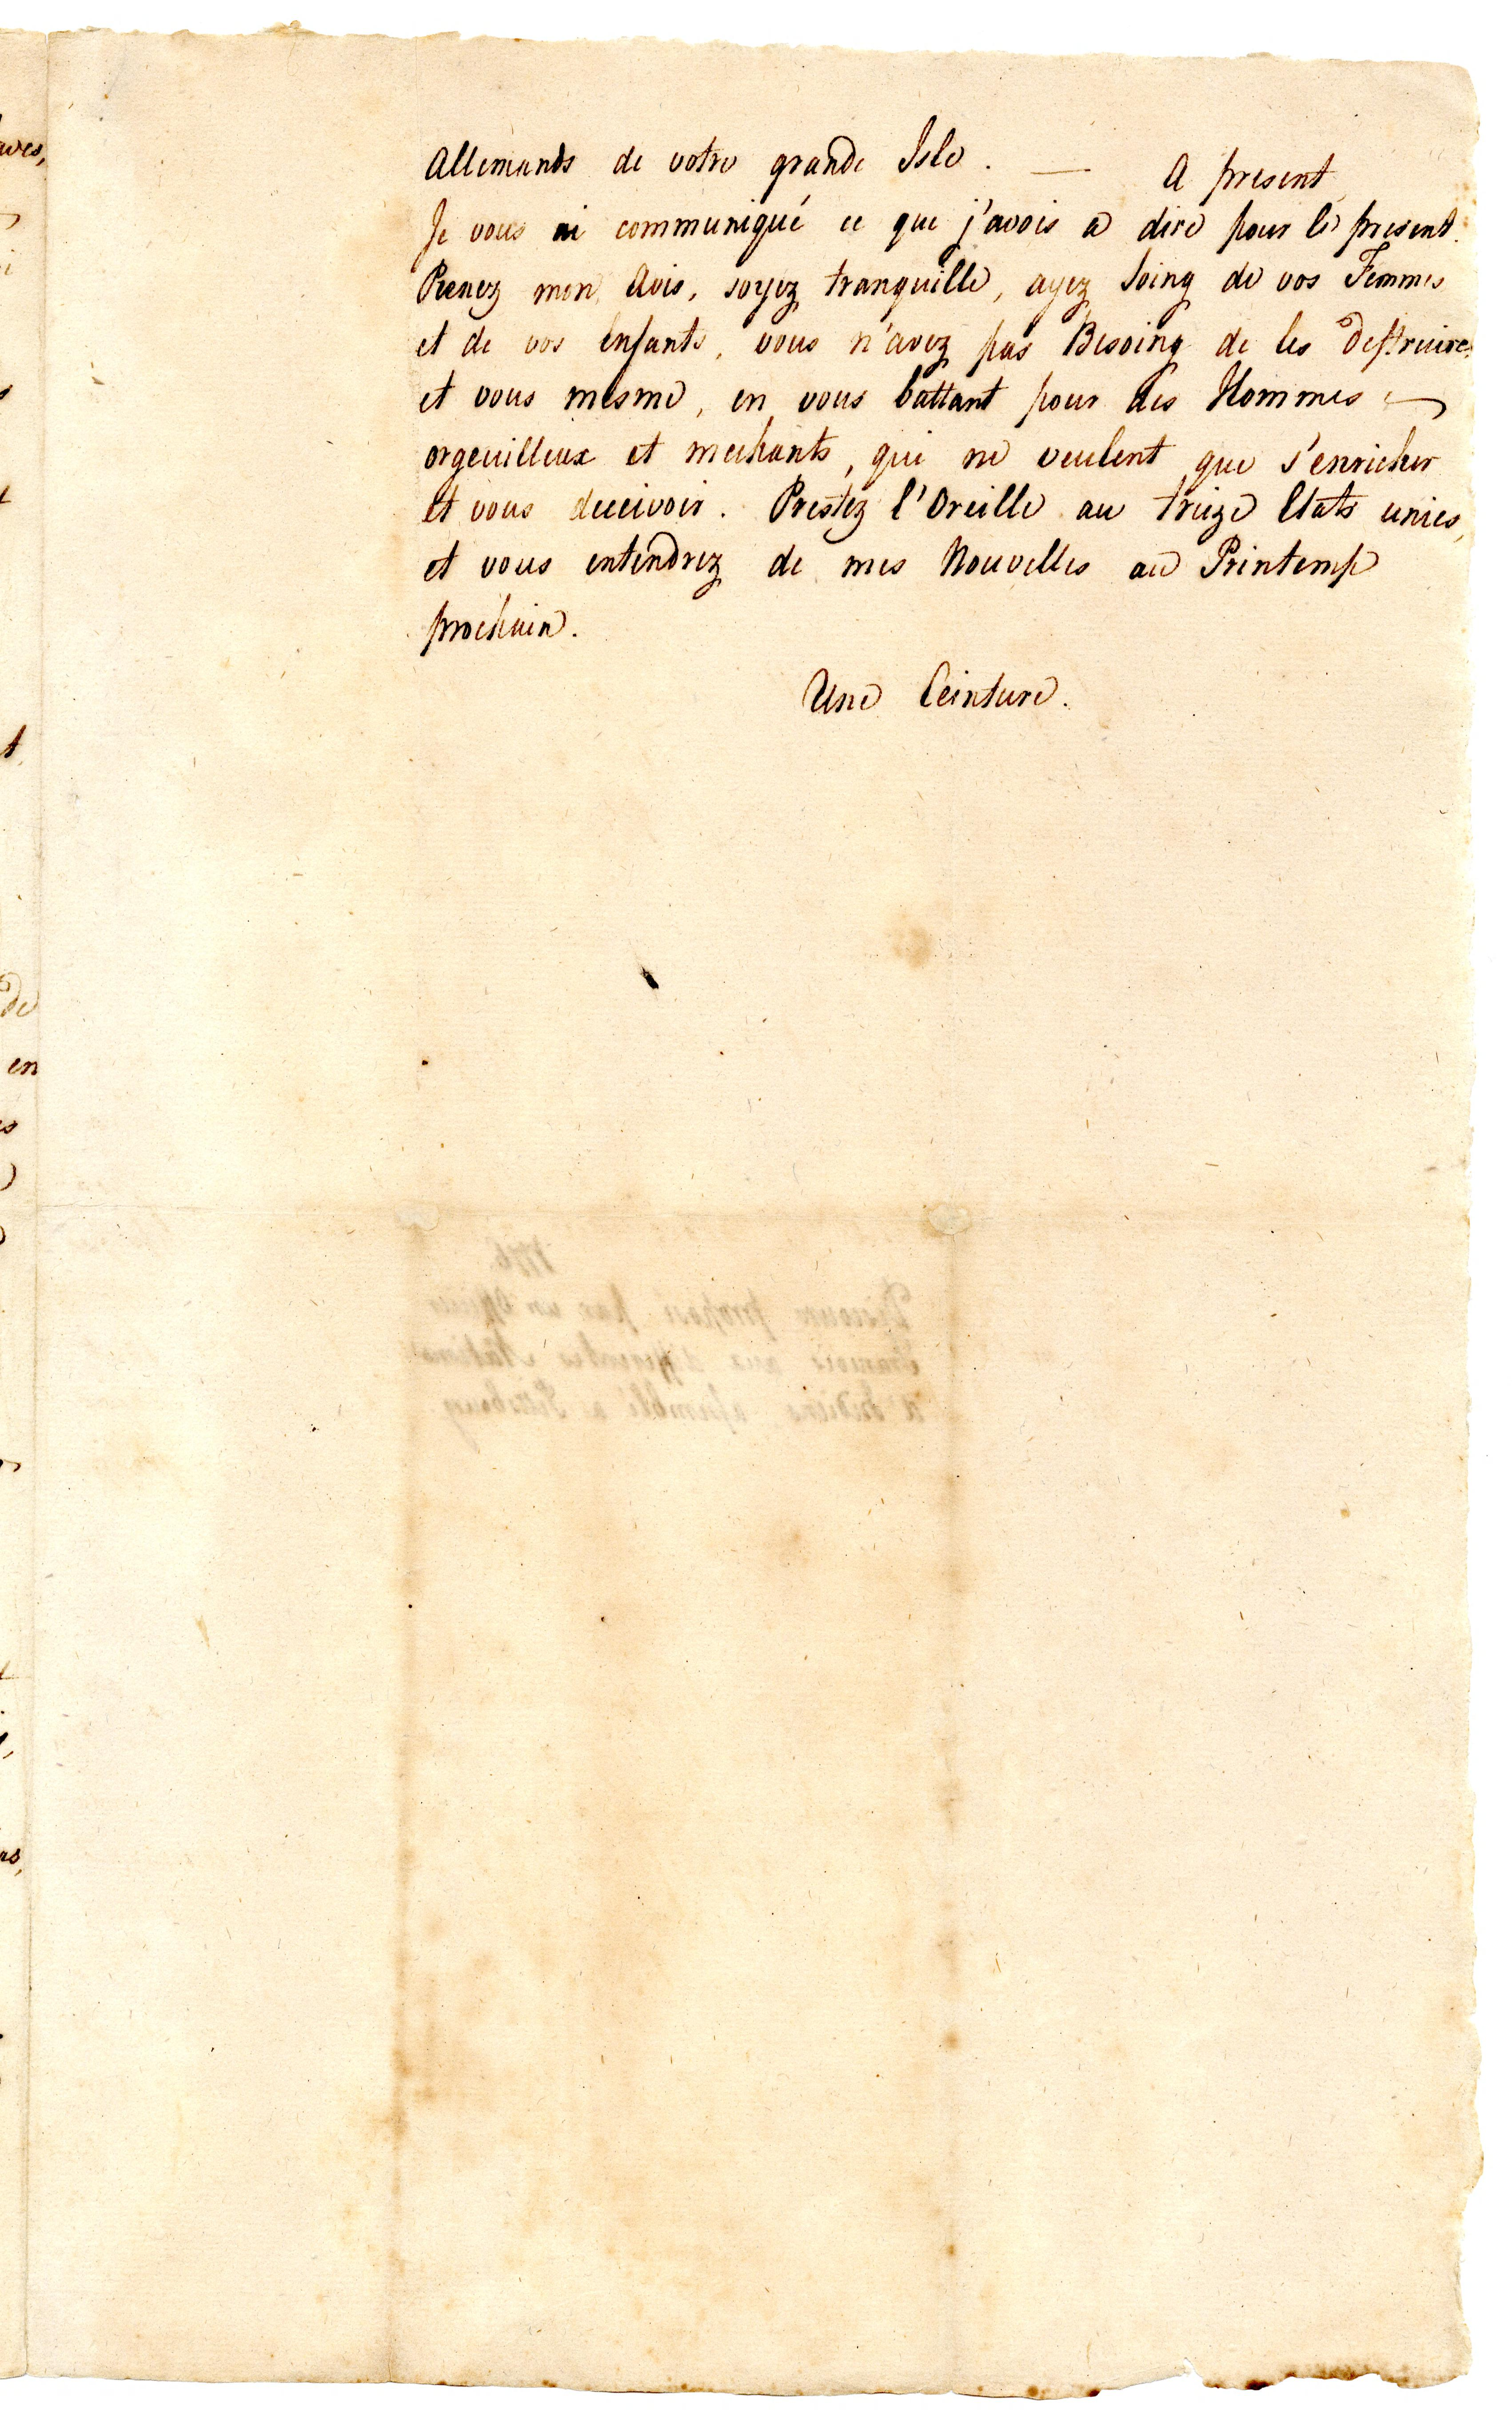Allemands de votre grande Isle
A present
je vous ai communiqué ce que j'avois a dire pour le present
Prenez mon Avis, soyez tranquille, ayez Soing de vos Femmes
et de vos Enfants, vous n'avez pas Besoing de les destruire
et vous mesme, en vous battant pour des Hommes
orgeuilleux et mechants, qui ne veulent que s'enricher
et vous deceivoir. Prestez l'Oreille au trize Etats unies
et vous entendrez de mes Nouvelles au Printemp
prochain.
Une Ceinture